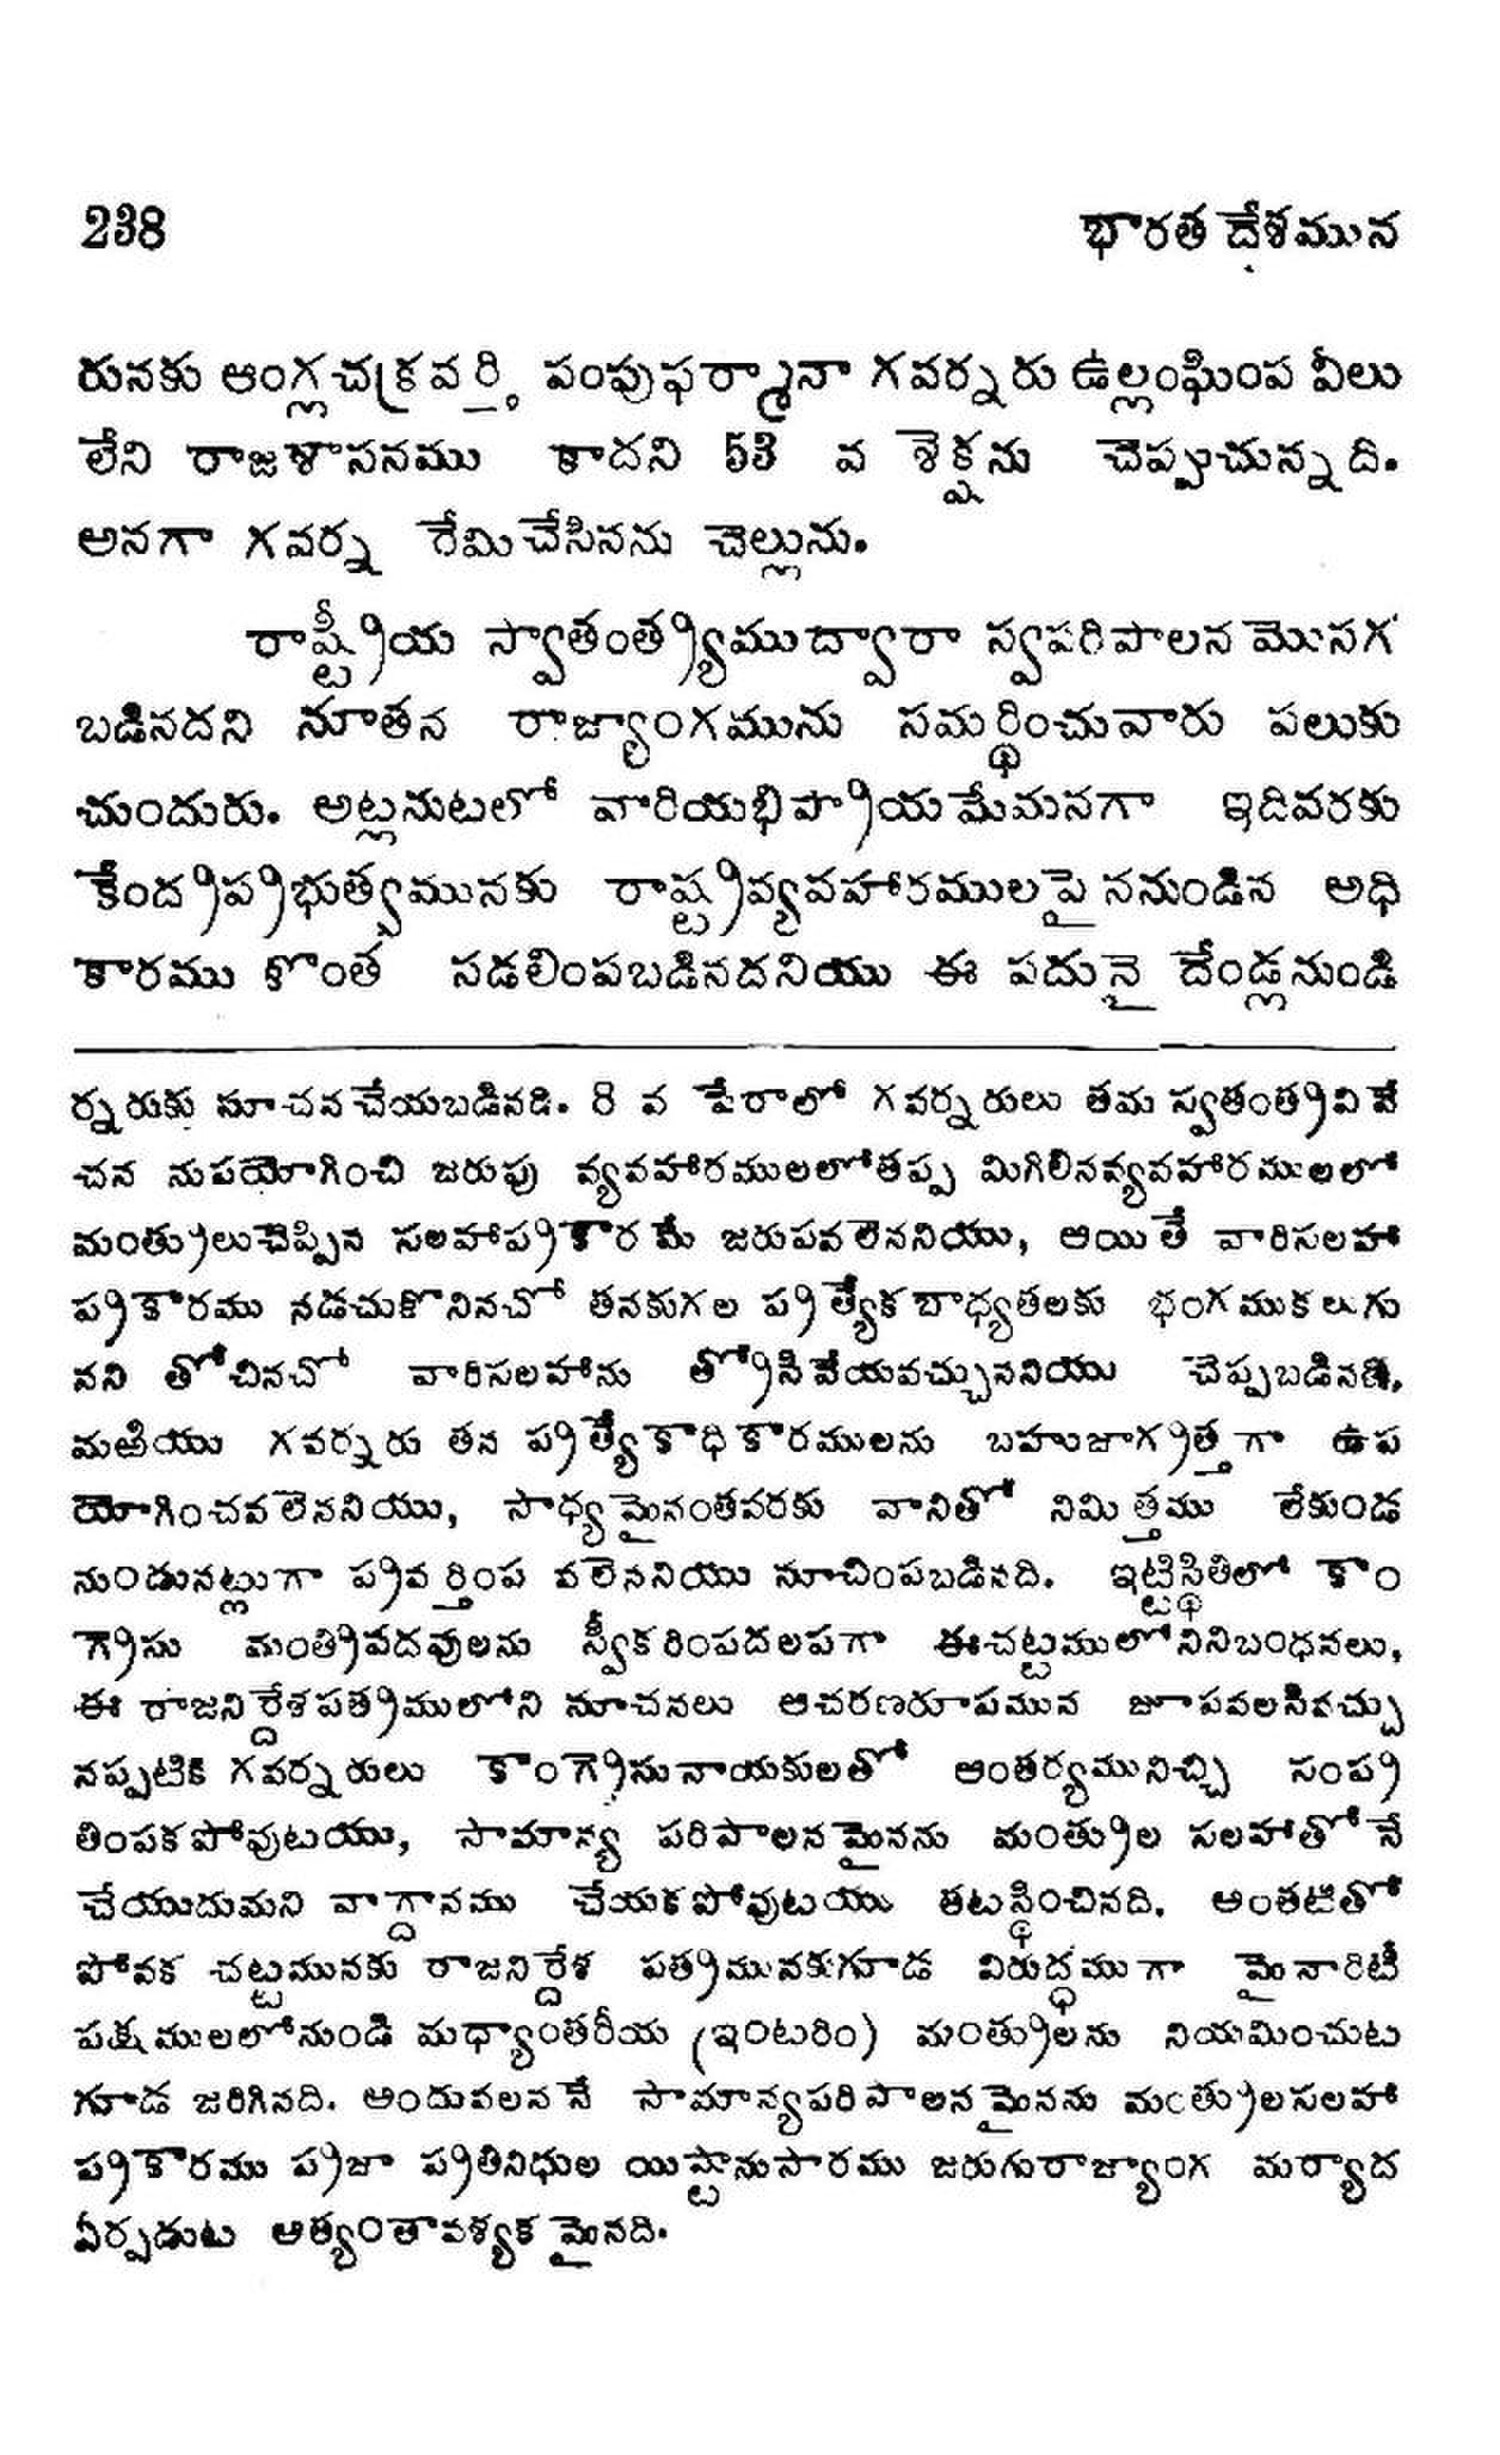రునకు ఆంగ్లచక్రవర్తి, పంపుఫర్మానా గవర్నరు ఉల్లంఘింప వీలులేని రాజశాసనము కాదని 53 వ శెక్షను చెప్పుచున్నది. అనగా గవర్న రేమిచేసినను చెల్లును.

రాష్ట్రీయ స్వాతంత్ర్యముద్వారా స్వపరిపాలన మొసగబడినదని నూతన రాజ్యాంగమును సమర్ధించువారు పలుకుచుందురు. అట్లనుటలో వారియభిప్రాయమేమనగా ఇదివరకు కేంద్రప్రభుత్వమునకు రాష్ట్రవ్యవహారములపై ననుండిన అధికారము కొంత సడలింపబడినదనియు ఈ పదునై దేండ్ల నుండి